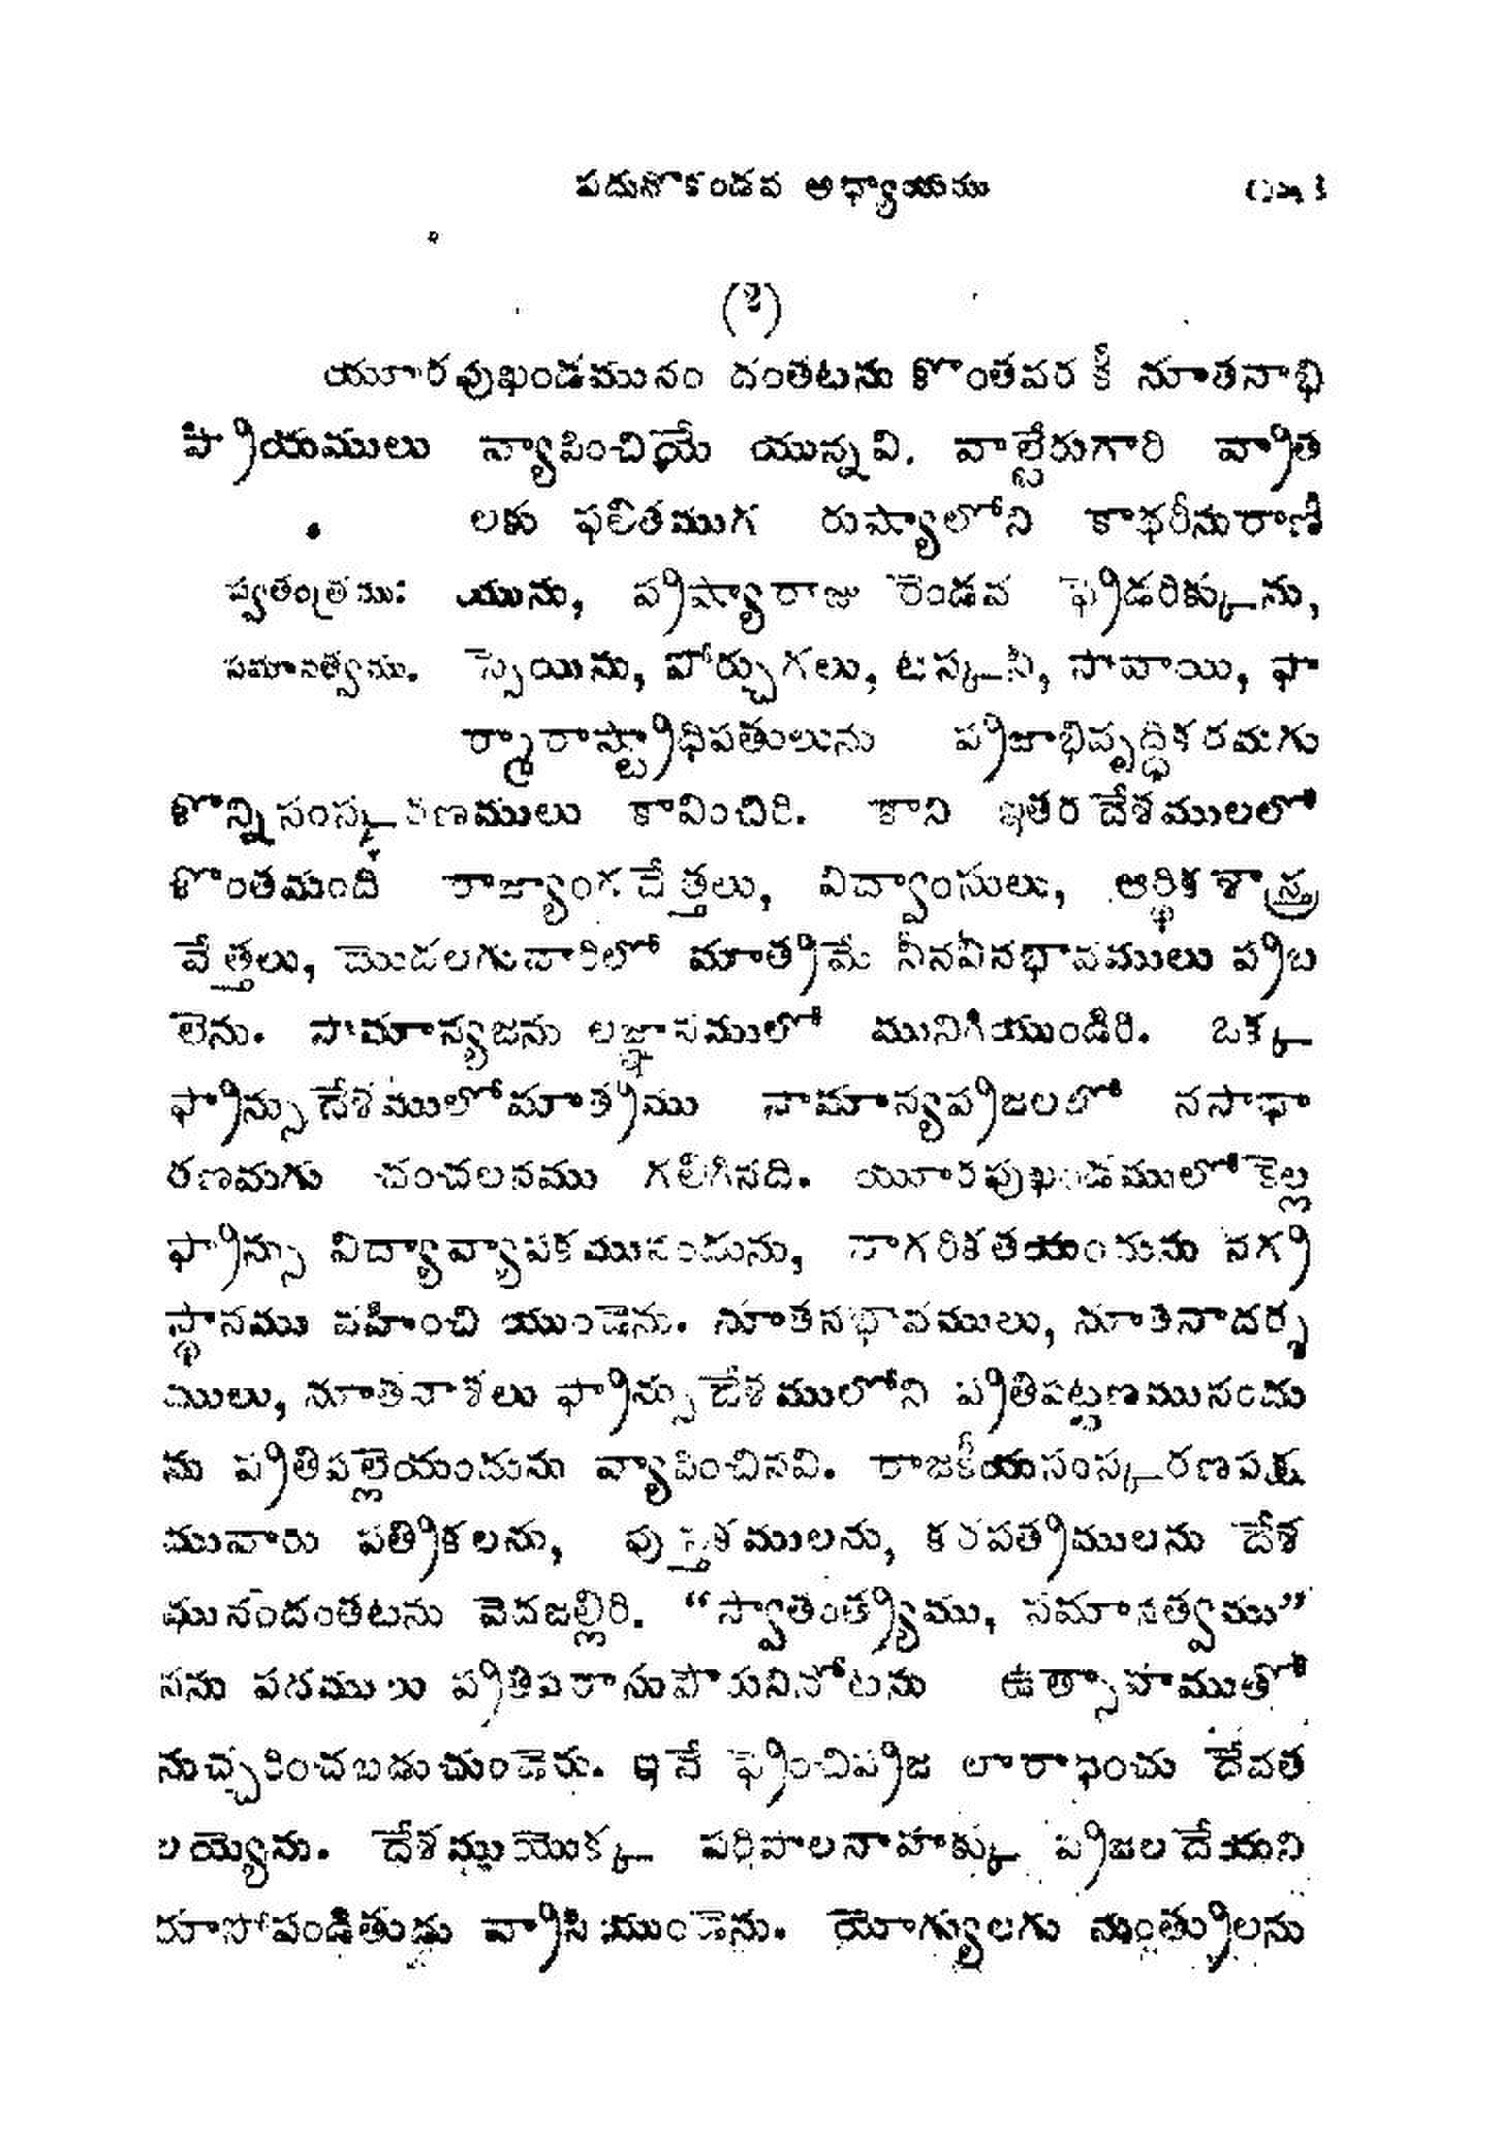స్వతంత్రము: 
సమానత్వము,

యూర వుఖండమునం దంతటను కొంతవరకీ నూతనాభి
ప్రాయములు వ్యాపించియే యున్నవి. వాల్టేరుగారి వ్రాత
లకు ఫలితముగ రుప్యాలోని కాథరీసు రాణి
యుసు, ప్రష్యా రాజు "రెండన ఫ్రెడరిక్కును,
స్పెయిను, పోర్చుగలు, టస్కనీ, సావాయి, ఫొ
ర్మారా ష్ట్రాథిపతులను ప్రజాభివృద్ధికరమగు
కొన్ని సంస్కరణములు కావించిరి.కాని ఇతర దేశములలో
కొంతమంది రాజ్యాంగ చేత్తలు, విద్వాంసులు, ఆర్థిక శాస్త్ర
వేత్తలు, మొదలగు వారిలో మాత్రమే నీనవీనభావములు ప్రబ
లెను. సామాన్య జను అజ్ఞానములో మునిగి యుండిరి. ఒక్క
ఫ్రాన్సు దేశ ములో మాత్రము నాసూస్యపూజలలో నసాధా
ణమగు చంచలనము గలిగినది. యూరపు డములో కెల్ల
ఫ్రాన్సు విద్యావ్యాపక మునందును, నాగరిక తయందును నగ్ర
స్థానము వహించి యుండెను. నూతన భావములు, నూ తనాదర్శ
ములు, నూతనా శలు ఫ్రాన్సు దేశములోని ఏప్రతిపట్టణము నందు
ను ప్రతిపల్లెయందును వ్యాపించినవి. రాజకీయసంస్కరణపక్ష
మువారు పత్రికలను, పుస్తకములను, కర పత్రములను దేశ
మునందంతటను వెదజల్లిరి. “స్వాతంత్ర్యము, సమానత్వము”
ససు పదము " ప్రతిపతాసు పౌరుని.నోటను ఉత్సాహముతో
సుచ్చరించబడుచుండెను. ఇవే' ఫ్రెంప్రజ లారా దించు దేవత
లయ్యెను. దేశము యొక్క పరిపాలనా హక్కు ప్రజల దేయని
రూసో పండితుడు వ్రాసియుండెసు. యోగ్యులగు మంత్రులను